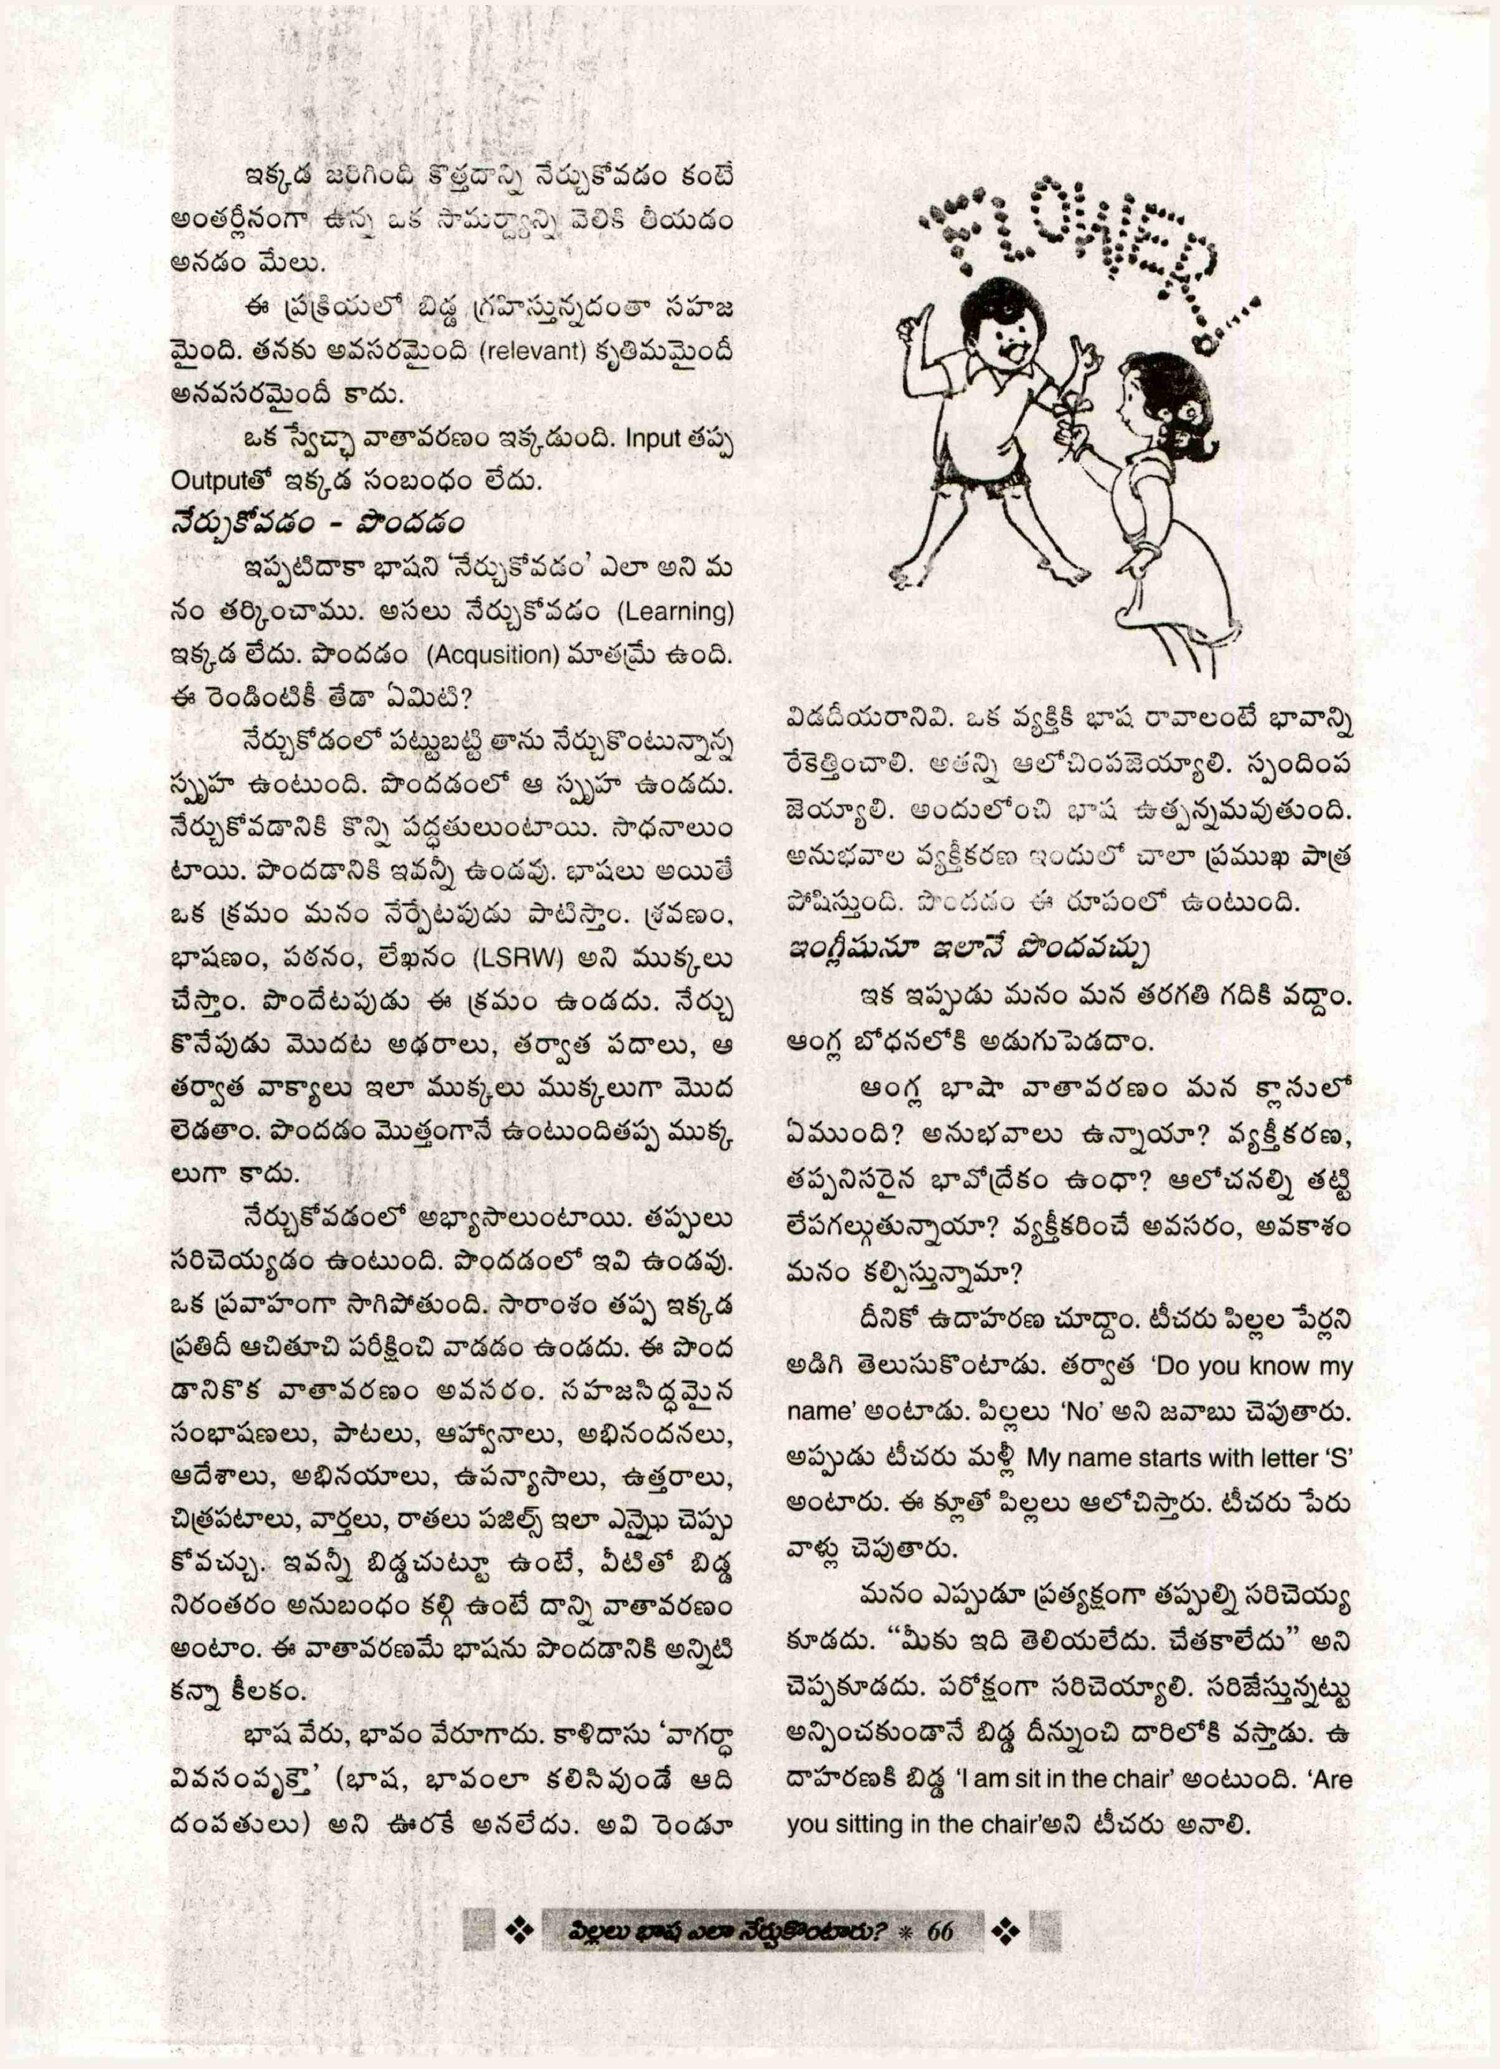ఇక్కడ జరిగింది కొత్తదాన్ని నేర్చుకోవడం కంటే అంతర్లీనంగా ఉన్న ఒక సామర్ధ్యాన్ని వెలికి తీయడం అనడం మేలు.

ఈ ప్రక్రియలో బిడ్డ గ్రహిస్తున్నదంతా సహజమైంది. తనకు అవసరమైంది (relevant) కృతిమమైందీ
అనవసరమైందీ కాదు.

ఒక స్వేచ్ఛా వాతావరణం ఇక్కడుంది. Input తప్ప Outputతో ఇక్కడ సంబంధం లేదు.

నేర్చుకోవడం - పొందడం

ఇప్పటిదాకా భాషని 'నేర్చుకోవడం' ఎలా అని మనం తర్కించాము. అసలు నేర్చుకోవడం (Learning) ఇక్కడ లేదు. పొందడం (Acqusition) మాతమ్రే ఉంది. ఈ రెండింటికీ తేడా ఏమిటి?

నేర్చుకోడంలో పట్టుబట్టి తాను నేర్చుకొంటున్నాన్న స్పృహ ఉంటుంది. పొందడంలో ఆ స్పృహ ఉండదు.
నేర్చుకోవడానికి కొన్ని పద్ధతులుంటాయి. సాధనాలుంటాయి. పొందడానికి ఇవన్నీ ఉండవు. భాషలు అయితే ఒక క్రమం మనం నేర్పేటపుడు పాటిస్తాం. శ్రవణం, భాషణం, పఠనం, లేఖనం (LSRW) అని ముక్కలు చేస్తాం. పొందేటపుడు ఈ క్రమం ఉండదు. నేర్చుకొనేపుడు మొదట అఢరాలు, తర్వాత పదాలు, ఆ తర్వాత వాక్యాలు ఇలా ముక్కలు ముక్కలుగా మొదలెడతాం. పొందడం మొత్తంగానే ఉంటుందితప్ప ముక్కలుగా కాదు.

నేర్చుకోవడంలో అభ్యాసాలుంటాయి. తప్పులు సరిచెయ్యడం ఉంటుంది. పొందడంలో ఇవి ఉండవు. ఒక ప్రవాహంగా సాగిపోతుంది. సారాంశం తప్ప ఇక్కడ ప్రతిదీ ఆచితూచి పరీక్షించి వాడడం ఉండదు. ఈ పొందడానికొక వాతావరణం అవసరం. సహజసిద్ధమైన సంభాషణలు, పాటలు, ఆహ్వానాలు, అభినందనలు,
ఆదేశాలు, అభినయాలు, ఉపన్యాసాలు, ఉత్తరాలు, చిత్రపటాలు, వార్తలు, రాతలు పజిల్స్ ఇలా ఎనైన చెప్పు కోవచ్చు. ఇవన్నీ బిడ్డచుట్టూ ఉంటే, వీటితో బిడ్డ నిరంతరం అనుబంధం కల్గి ఉంటే దాన్ని వాతావరణం అంటాం. ఈ వాతావరణమే భాషను పొందడానికి అన్నిటికన్నా కీలకం.

భాష వేరు, భావం వేరూగాదు. కాళిదాసు 'వాగర్ధా వివసంపృక్తౌ' (భాష, భావంలా కలిసివుండే ఆది దంపతులు) అని ఊరకే అనలేదు. అవి రెండూ విడదీయరానివి. ఒక వ్యక్తికి భాష రావాలంటే భావాన్ని రేకెత్తించాలి. అతన్ని ఆలోచింపజెయ్యాలి. స్పందింప జెయ్యాలి. అందులోంచి భాష ఉత్పన్నమవుతుంది. అనుభవాల వ్యక్తీకరణ ఇందులో చాలా ప్రముఖ పాత్ర పోషిస్తుంది. పొందడం ఈ రూపంలో ఉంటుంది.

ఇంగ్లీషునూ ఇలానే పొందవచ్చు

ఇక ఇప్పుడు మనం మన తరగతి గదికి వద్దాం. ఆంగ్ల బోధనలోకి అడుగుపెడదాం.

ఆంగ్ల భాషా వాతావరణం మన క్లాసులో ఏముంది? అనుభవాలు ఉన్నాయా? వ్యక్తీకరణ, తప్పనిసరైన భావోద్రేకం ఉందా? ఆలోచనల్ని తట్టి లేపగల్గుతున్నాయా? వ్యక్తీకరించే అవసరం, అవకాశం మనం కల్పిస్తున్నామా?

దీనికో ఉదాహరణ చూద్దాం. టీచరు పిల్లల పేర్లని అడిగి తెలుసుకొంటాడు. తర్వాత 'Do you know my name' అంటాడు. పిల్లలు 'No' అని జవాబు చెపుతారు. అప్పుడు టీచరు మళ్లీ My name starts with letter 'S’ అంటారు. ఈ క్లూతో పిల్లలు ఆలోచిస్తారు. టీచరు పేరు వాళ్లు చెపుతారు.

మనం ఎప్పుడూ ప్రత్యక్షంగా తప్పుల్ని సరిచెయ్య కూడదు. "మీకు ఇది తెలియలేదు. చేతకాలేదు" అని చెప్పకూడదు. పరోక్షంగా సరిచెయ్యాలి. సరిజేస్తున్నట్టు అన్పించకుండానే బిడ్డ దీన్నుంచి దారిలోకి వస్తాడు. ఉదాహరణకి బిడ్డ 'I am sit in the chair' అంటుంది. ‘Are you sitting in the chair'అని టీచరు అనాలి.